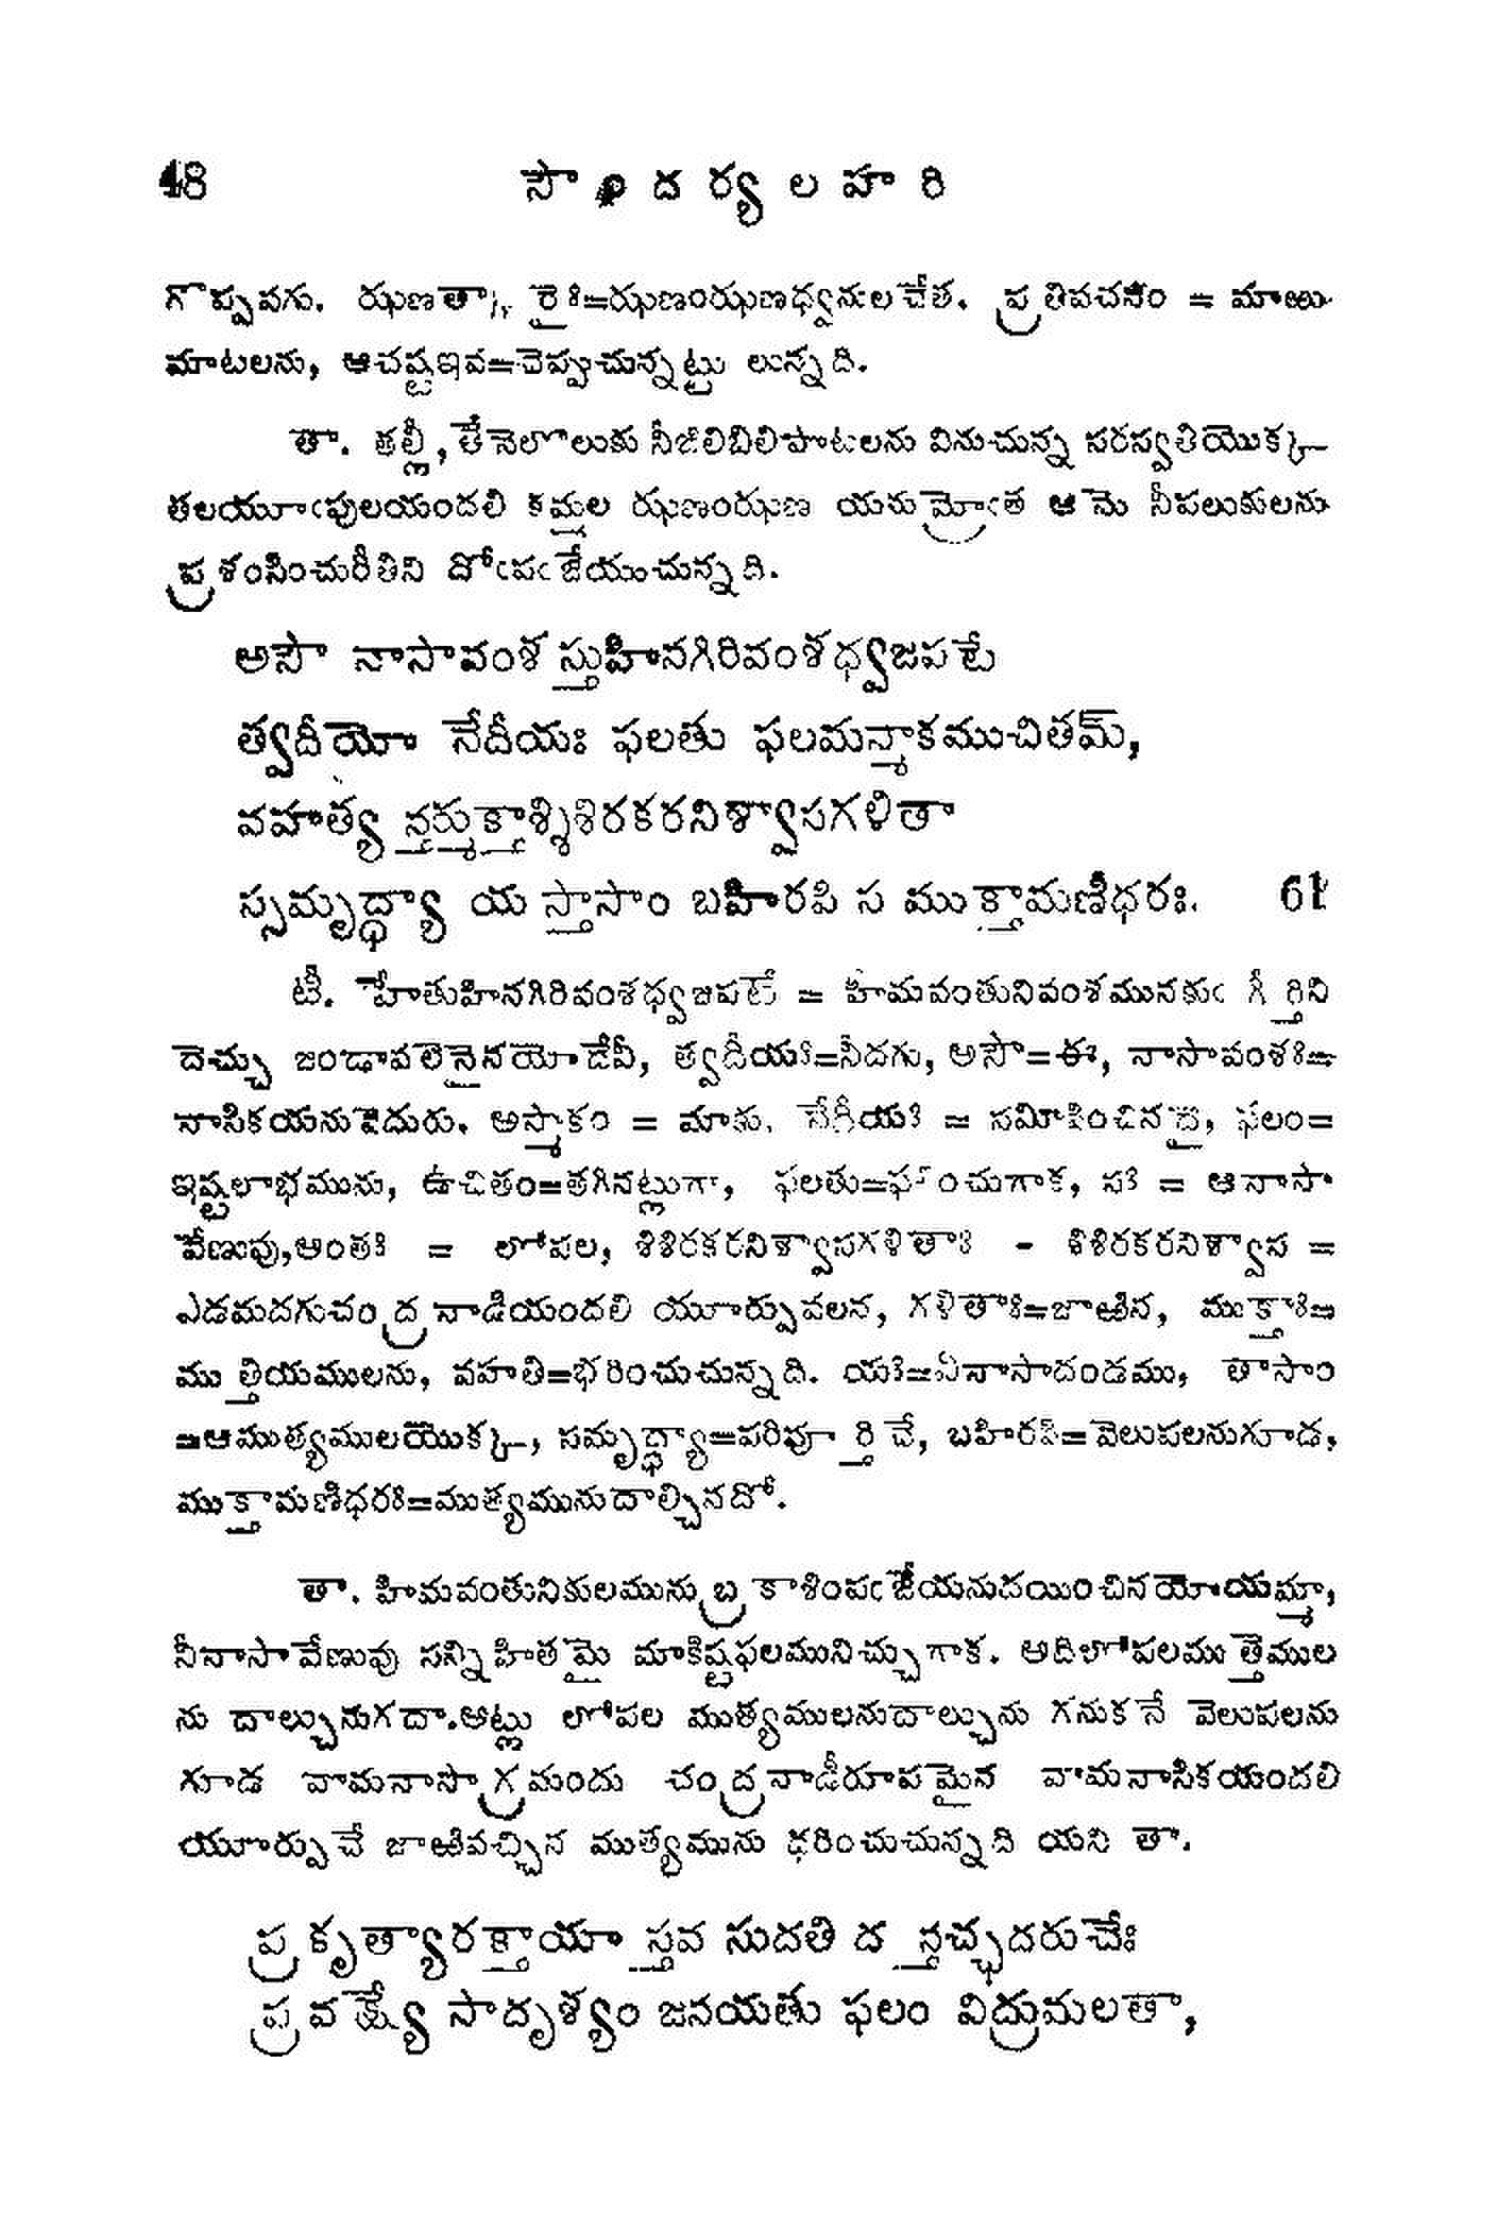గొప్పవగు, ఝణత్కారైః = ఝణంఝణధ్వనులచేత, ప్రతివచనం = మాఱుమాటలను, ఆచష్టఇవ = చెప్పుచున్నట్టు లున్నది.

తా. తల్లీ, తేనెలొలుకు నీజిలిబిలిపాటలను వినుచున్న సరస్వతియొక్క తలయూఁపులయందలి కమ్మల ఝణంఝణ యనుమ్రోఁత ఆమె నీపలుకులను ప్రశంసించురీతిని దోఁపఁజేయుచున్నది.

అసౌ నాసావంశస్తుహినగిరివంశధ్వజపటే
త్వదీయో నేదీయః ఫలతు ఫలమస్మాకముచితమ్,
వహత్యన్తర్ముక్తాశ్శిశిరకరనిశ్వాసగళితా
స్సమృద్ధ్యా యస్తాసాం బహిరపి స ముక్తామణిధరః. 61
టీ. హేతుహినగిరివంశధ్వజపటే = హిమవంతునివంశమునకుఁ గీర్తిని దెచ్చు జండావలెనైనయోదేవీ, త్వదీయః = నీదగు, అసౌ = ఈ, నాసావంశః = నాసికయనువెదురు, అస్మాకం = మాకు, నేదీయః = సమీపించినదై, ఫలం = ఇష్టలాభమును, ఉచితం = తగినట్లుగా, ఫలతు = ఫలించుగాక, సః = ఆనాసా వేణువు, అంతః = లోపల, శిశిరకరనిశ్వాసగళితాః-శిశిరకరనిశ్వాస = ఎడమదగుచంద్రనాడియందలి యూర్పువలన, గళితాః = జాఱిన, ముక్తాః = ముత్తియములను, వహతి = భరించుచున్నది. యః = ఏనాసాదండము, తాసాం = ఆముత్యములయొక్క, సమృద్ధ్యా = పరిపూర్తిచే, బహిరపి = వెలుపలనుగూడ, ముక్తామణిధరః = ముత్యమునుదాల్చినదో.

తా. హిమవంతునికులమును బ్రకాశింపఁజేయనుదయించినయోయమ్మా, నీనాసావేణువు సన్నిహితమై మాకిష్టఫలమునిచ్చుగాక. అదిలోపలముత్తెములను దాల్చునుగదా. అట్లు లోపల ముత్యములనుదాల్చును గనుకనే వెలుపలను గూడ వామనాసాగ్రమందు చంద్రనాడీరూపమైన వామనాసికయందలి యూర్పుచే జాఱివచ్చిన ముత్యమును ధరించుచున్నది యని తా.

ప్రకృత్యారక్తాయా స్తవ సుదతి దన్తచ్ఛదరుచేః
ప్రవక్ష్యే సాదృశ్యం జనయతు ఫలం విద్రుమలతా,